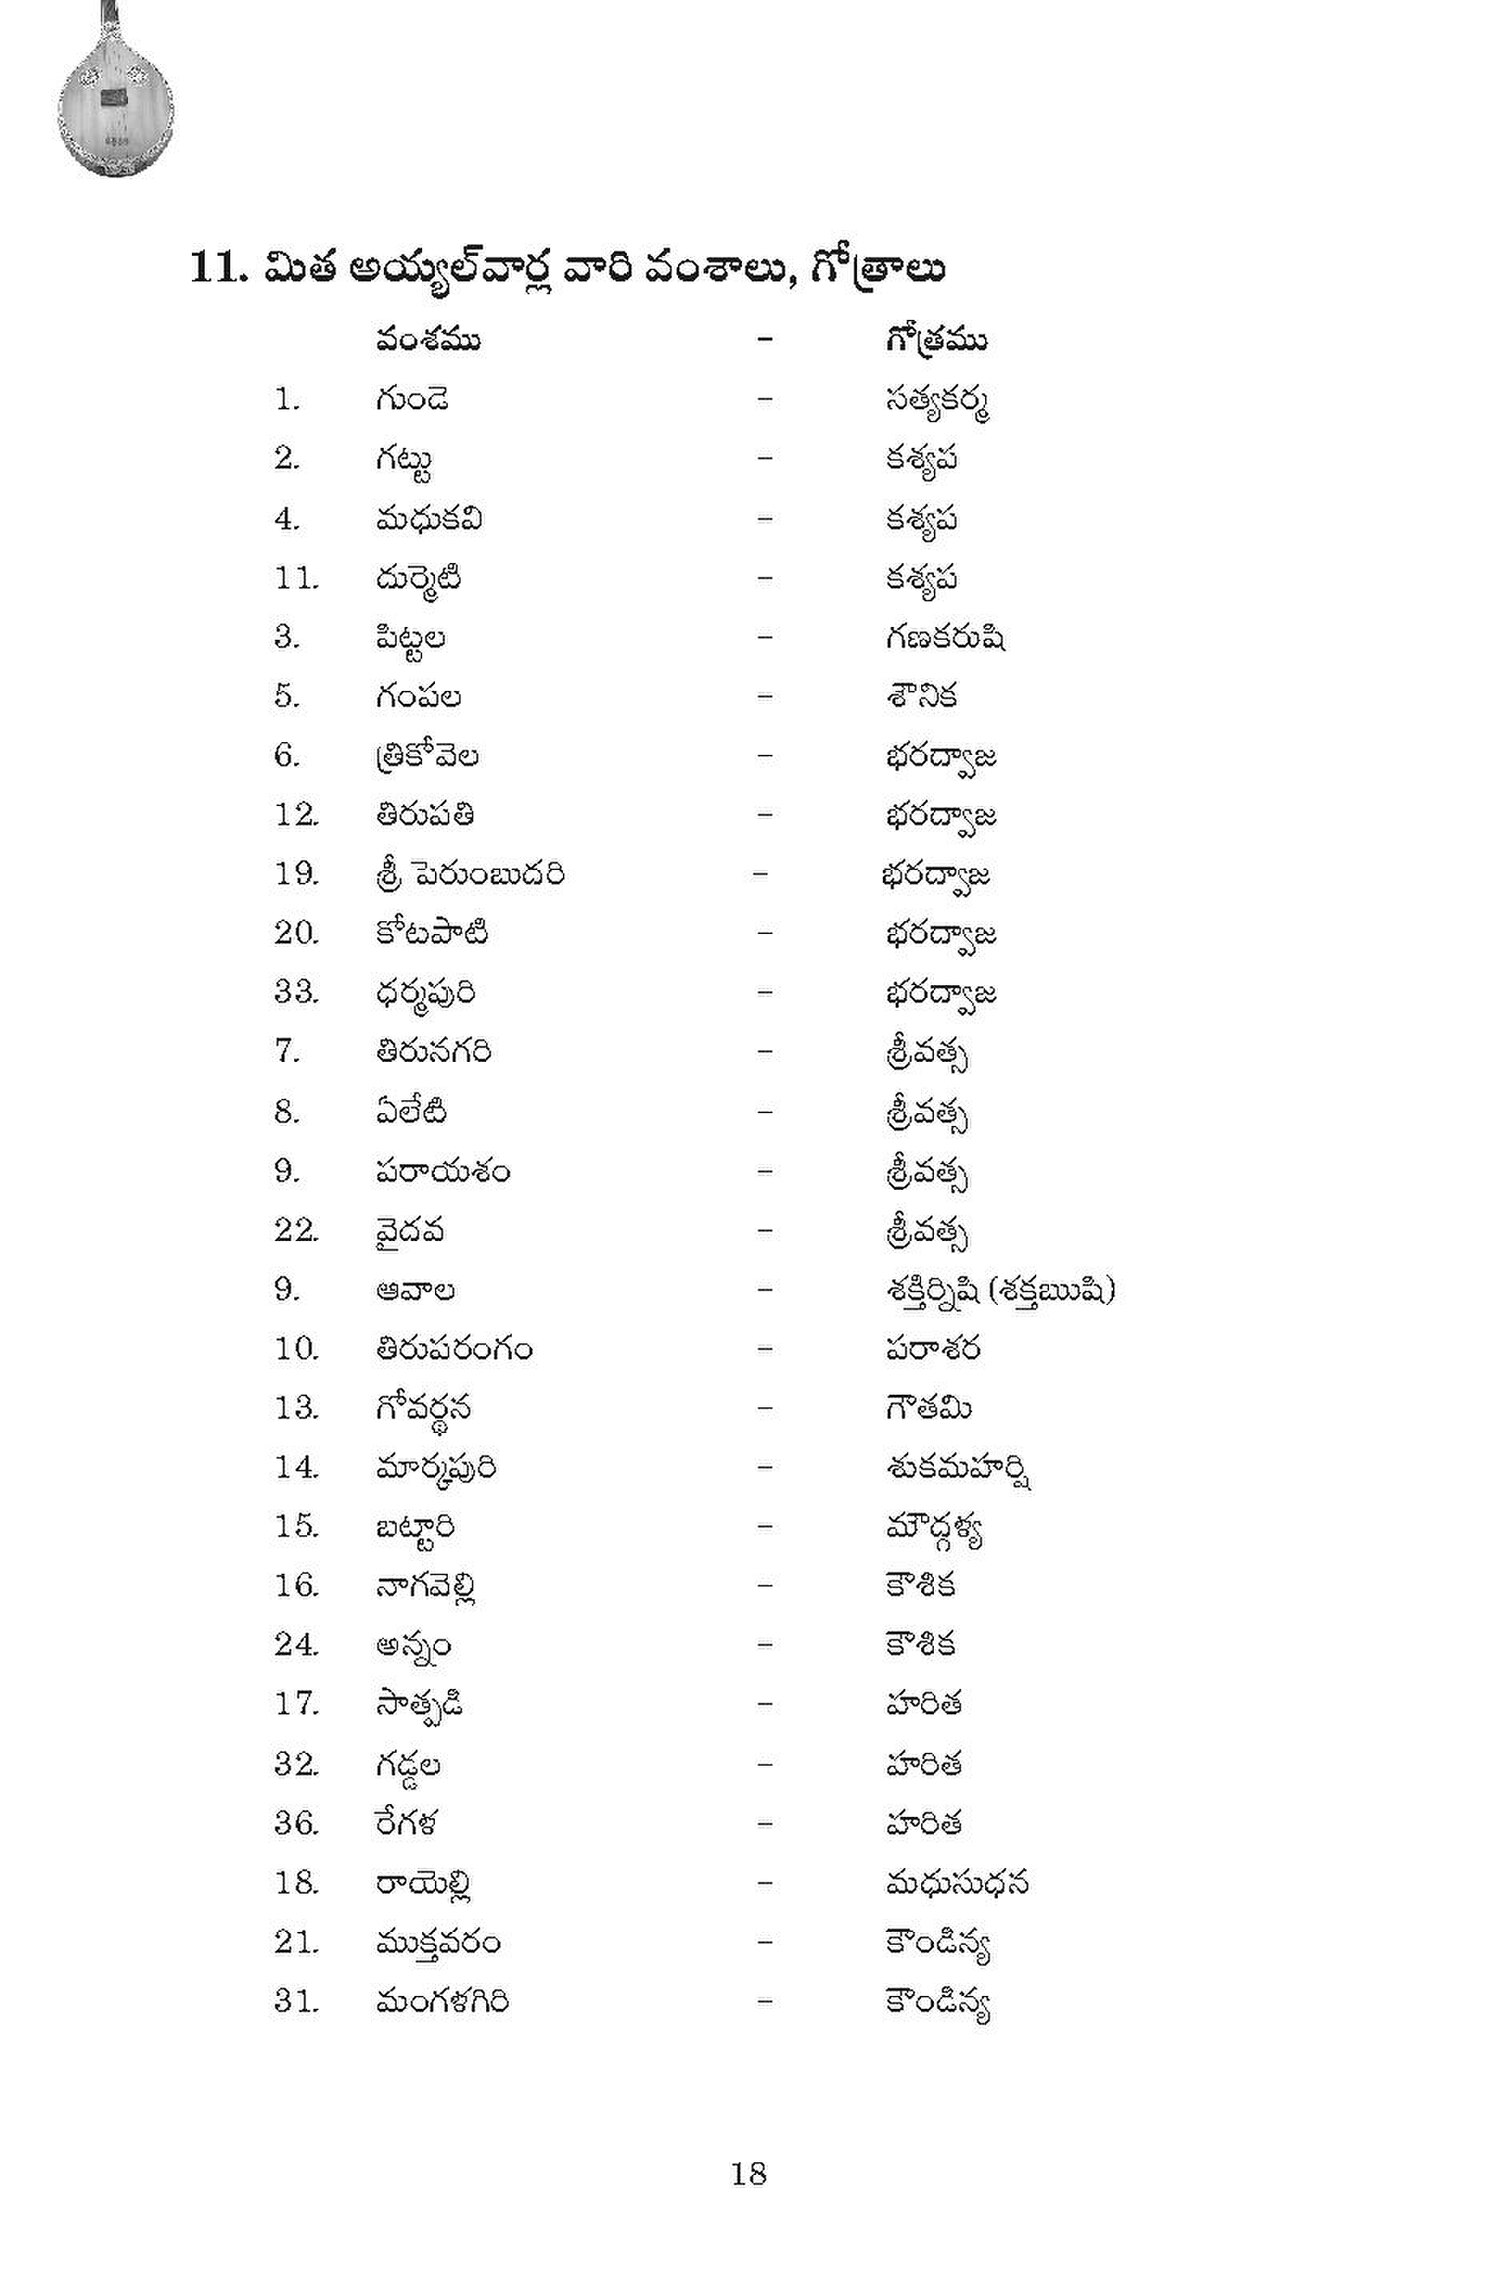11. మిత అయ్యల్వార్ల వారి వంశాలు, గోత్రాలు 

+ వంశము గోత్రము 1 గుండె సత్యకర్మ 2 గట్టు కశ్యప 4 మధుకవి కశ్యప 11 దుర్మెటి కశ్యప 3 పిట్టల గణకరుహి 5 గంపల శౌనిక 6 త్రికోవెల భరద్వాజ 12 తిరుపతి భరద్వాజ 19 శ్రీ పెరుంబుదరి భరద్వాజ 20 కోటపాటి భరద్వాజ 33 ధర్మపురి భరద్వాజ 7 తిరునగరి శ్రీవత్స 8 ఏలేటి శ్రీవత్స 9 పరాయశం శ్రీవత్స 22 వైదవ శ్రీవత్స 9 ఆవాల శక్తిర్నిషి (శక్తఋషి) 10 తిరువరంగం పరాశర 13 గోవర్ధన గౌతమి 14 మార్కపురి శుకమహర్షి 15 బట్టారి మౌడ్గళ్య 16 నాగవెల్లి కౌశిక 24 అన్నం కౌశిక 17 సాత్పడి హరిత 32 గడ్డల హరిత 36 రేగళ హరిత 18 రాయెల్లి మధుసుధన 21 ముక్తవరం కౌండిన్య 31 మంగళగిరి కౌండిన్య